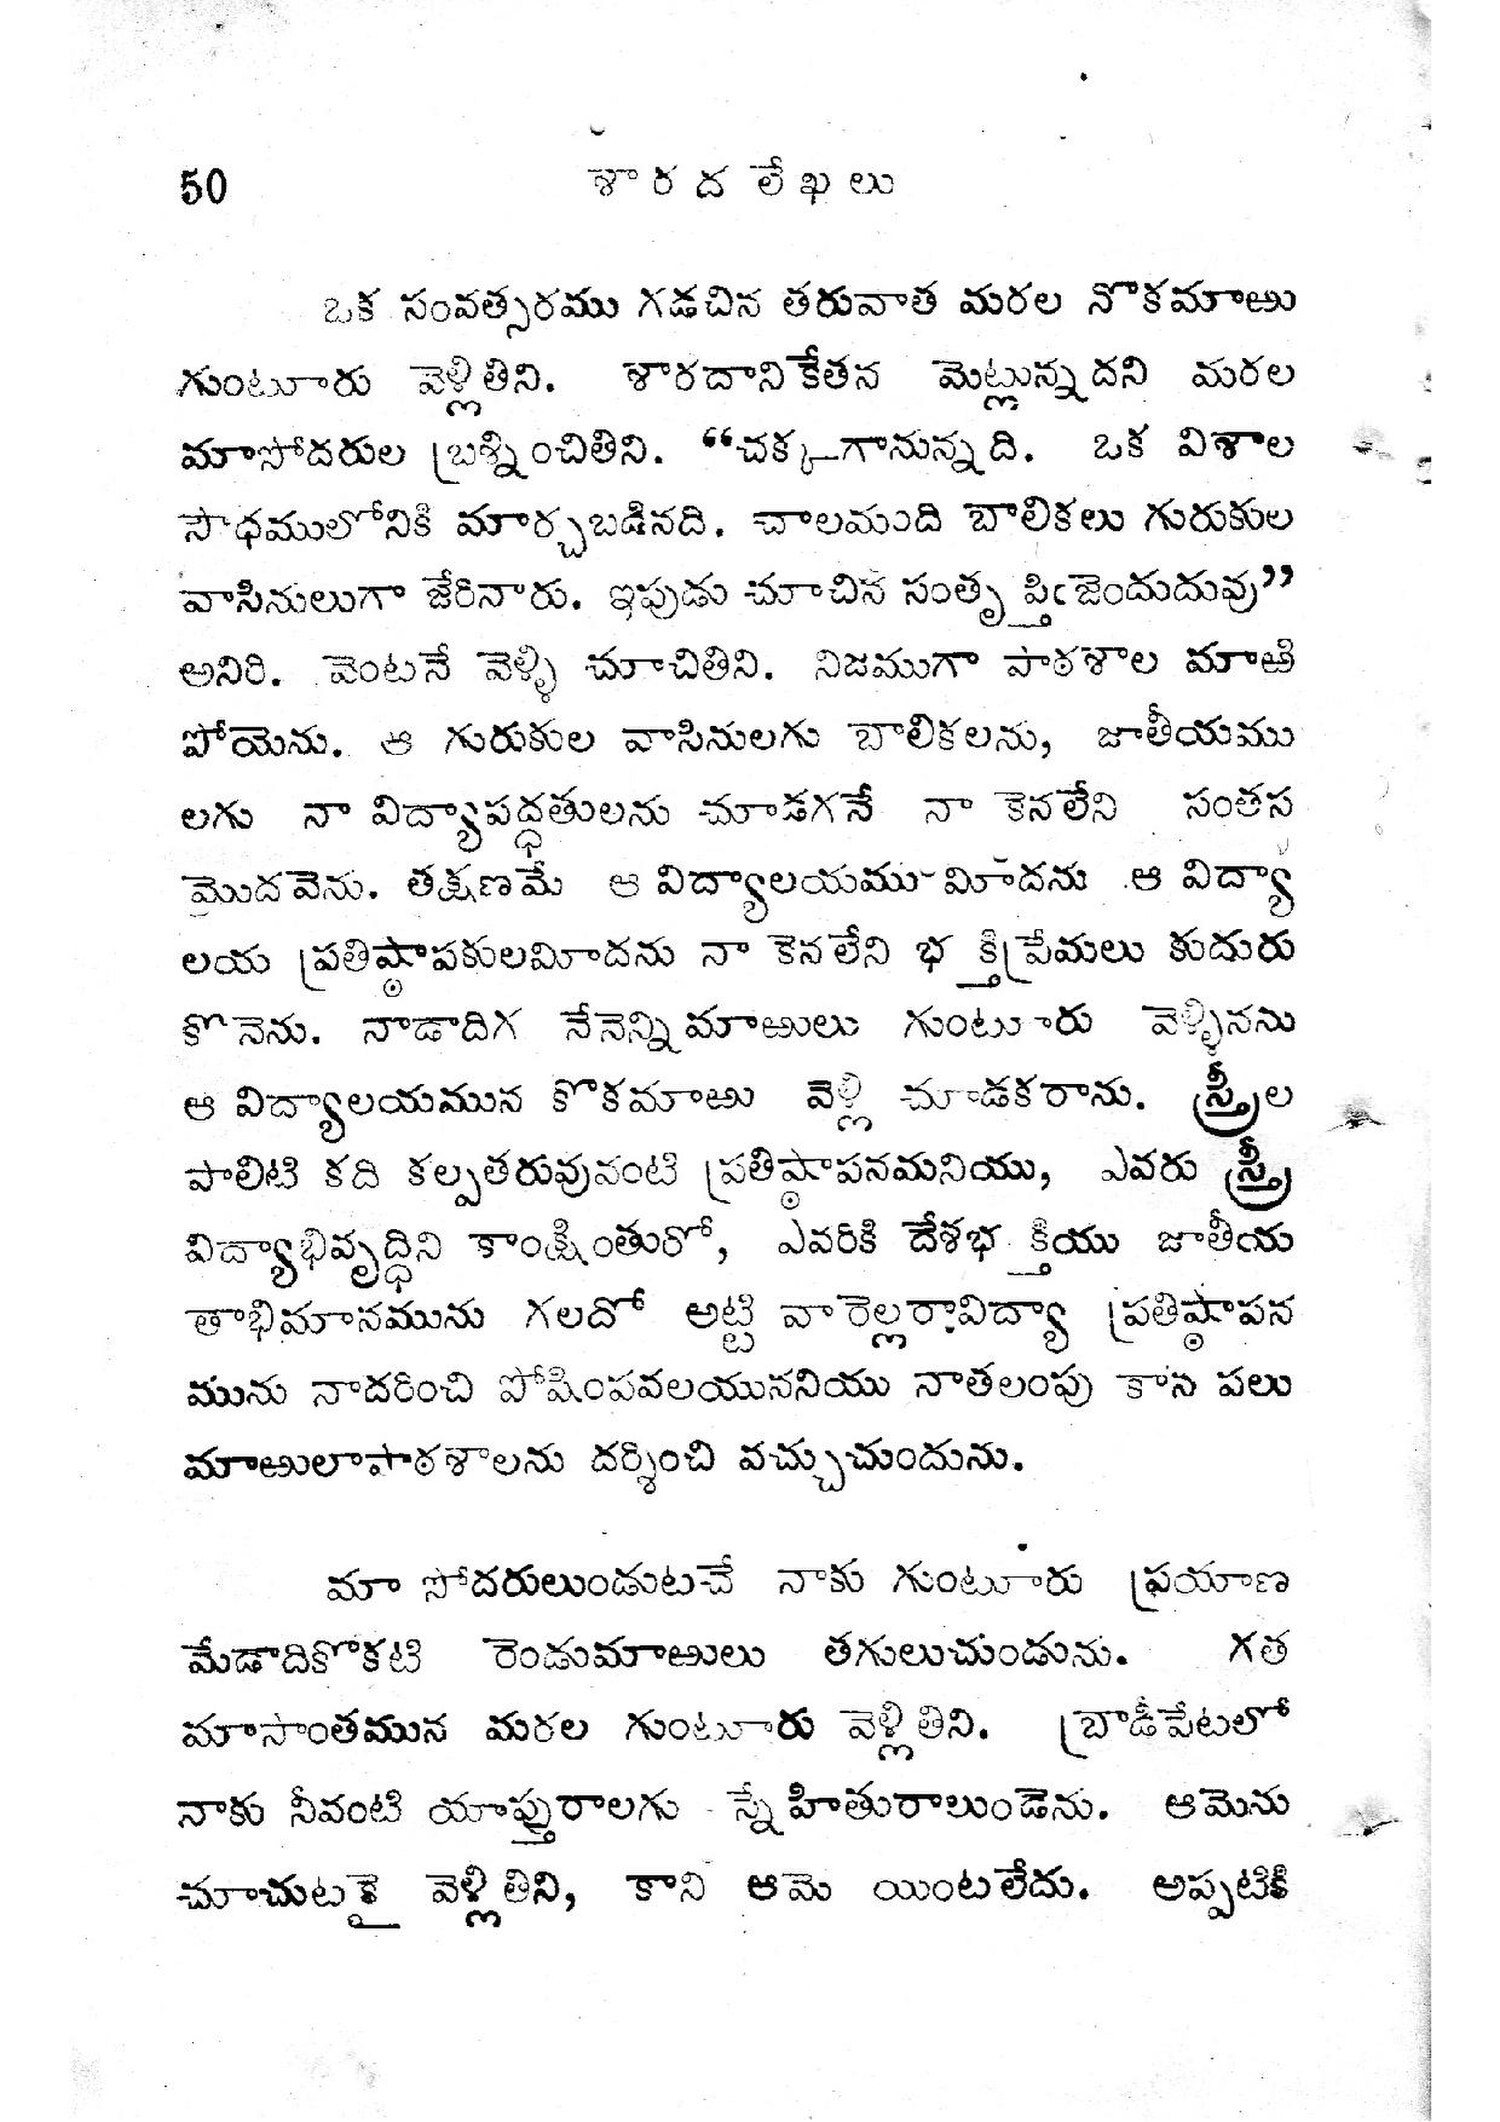ఒక సంవత్సరము గడచిన తరువాత మరల నొకమాఱు గుంటూరు వెళ్లితిని. శారదానికేతన మెట్లున్నదని మరల మాసోదరుల బ్రశ్నించితిని. “చక్కగానున్నది. ఒక విశాల సౌధములోనికి మార్చబడినది. చాలమంది బాలికలు గురుకుల వాసినులుగా జేరినారు. ఇపుడు చూచిన సంతృప్తిఁజెందుదువు” అనిరి. వెంటనే వెళ్ళి చూచితిని. నిజముగా పాఠశాల మాఱిపోయెను. ఆ గురుకుల వాసినులగు బాలికలను, జాతీయములగు నా విద్యాపద్ధతులను చూడగనే నా కెనలేని సంతస మొదవెను. తక్షణమే ఆ విద్యాలయము విూదను ఆ విద్యాలయ ప్రతిష్ఠాపకులమీదను నా కెనలేని భక్తిప్రేమలు కుదురుకొనెను. నాడాదిగ నేనెన్నిమాఱులు గుంటూరు వెళ్ళినను ఆ విద్యాలయమున కొకమాఱు వెళ్లి చూడకరాను. స్త్రీల పాలిటి కది కల్పతరువువంటి ప్రతిష్ఠాపనమనియు, ఎవరు స్త్రీ విద్యాభివృద్ధిని కాంక్షింతురో, ఎవరికి దేశభక్తియు జాతీయతాభిమానమును గలదో అట్టి వారెల్లరావిద్యా ప్రతిష్ఠాపనమును నాదరించి పోషింపవలయుననియు నాతలంపు కాన పలుమాఱులాపాఠశాలను దర్శించి వచ్చుచుందును.

మా సోదరులుండుటచే నాకు గుంటూరు ప్రయాణ మేడాదికొకటి రెండుమాఱులు తగులుచుండును. గత
మాసాంతమున మరల గుంటూరు వెళ్లితిని. బ్రాడీపేటలో నాకు నీవంటి యాప్తురాలగు స్నేహితురాలుండెను. ఆమెను చూచుటకై వెళ్లితిని, కాని ఆమె యింటలేదు. అప్పటికి